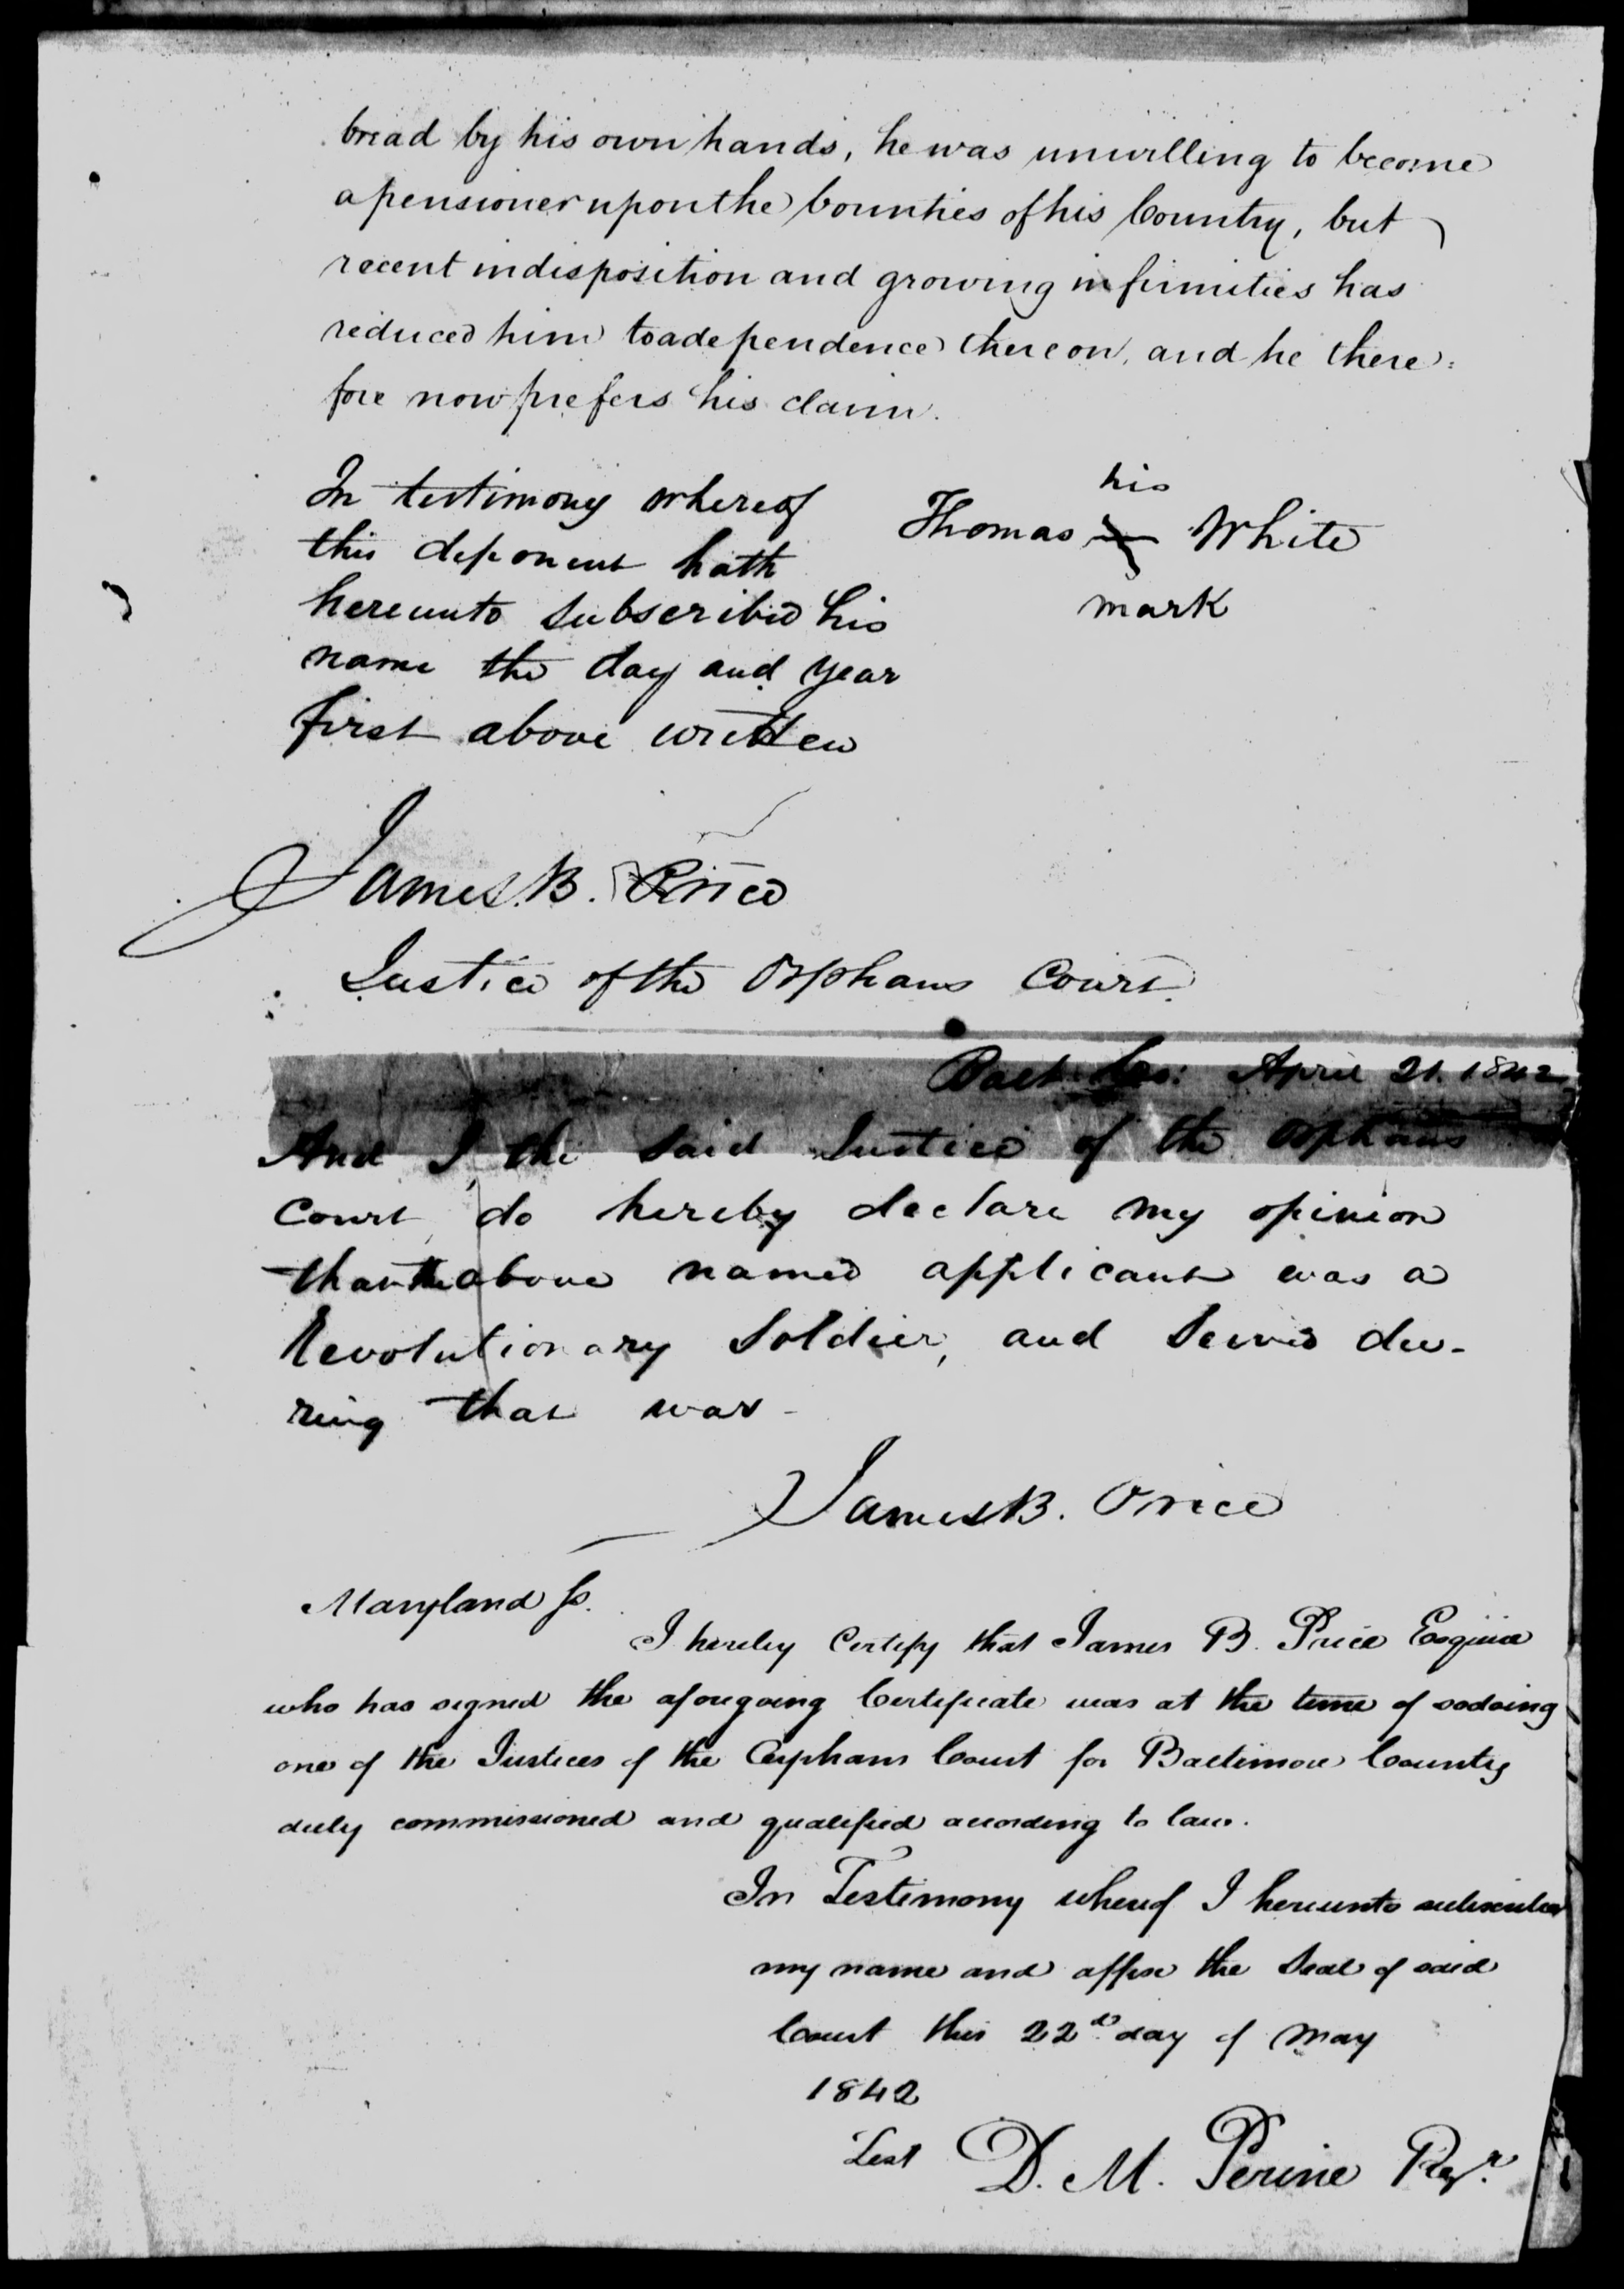bread by his own hands, he was unwilling to become a pensioner upon the bounties of this Country, but recent indisposition and growing infirmities has reduced him to a dependence hereon, and he therefore new prefers his claim. 
In testimony whereof this deponent hath hereunto subscribed his name this day and year first above written
James B. Price 
Justice of the Orphans Court 
               his
  Thomas  X  White 
               mark 
[illegible]: April 20 1842
and I the said justice of the Orphans court do hereby declare my opinion that the above named applicant was a Revolutionary Solider and served during that war. 
James B. Price 
Maryland 
I hereby certify that James B. Price Esquire who has signed the foregoing Certificate was at the time of so doing one of the justices of the Orphans Court for Baltimore County duly commissioned and qualified according to law
 In Testimony whereof I hereunto associate my name and affix the Seal of said Court this 22nd day of may 
1842
Test D.M. Perine Regr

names: D M Perine, Thomas White, James B Price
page: 5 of 43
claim: survivor's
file: S. 15240, Thomas White, Md.